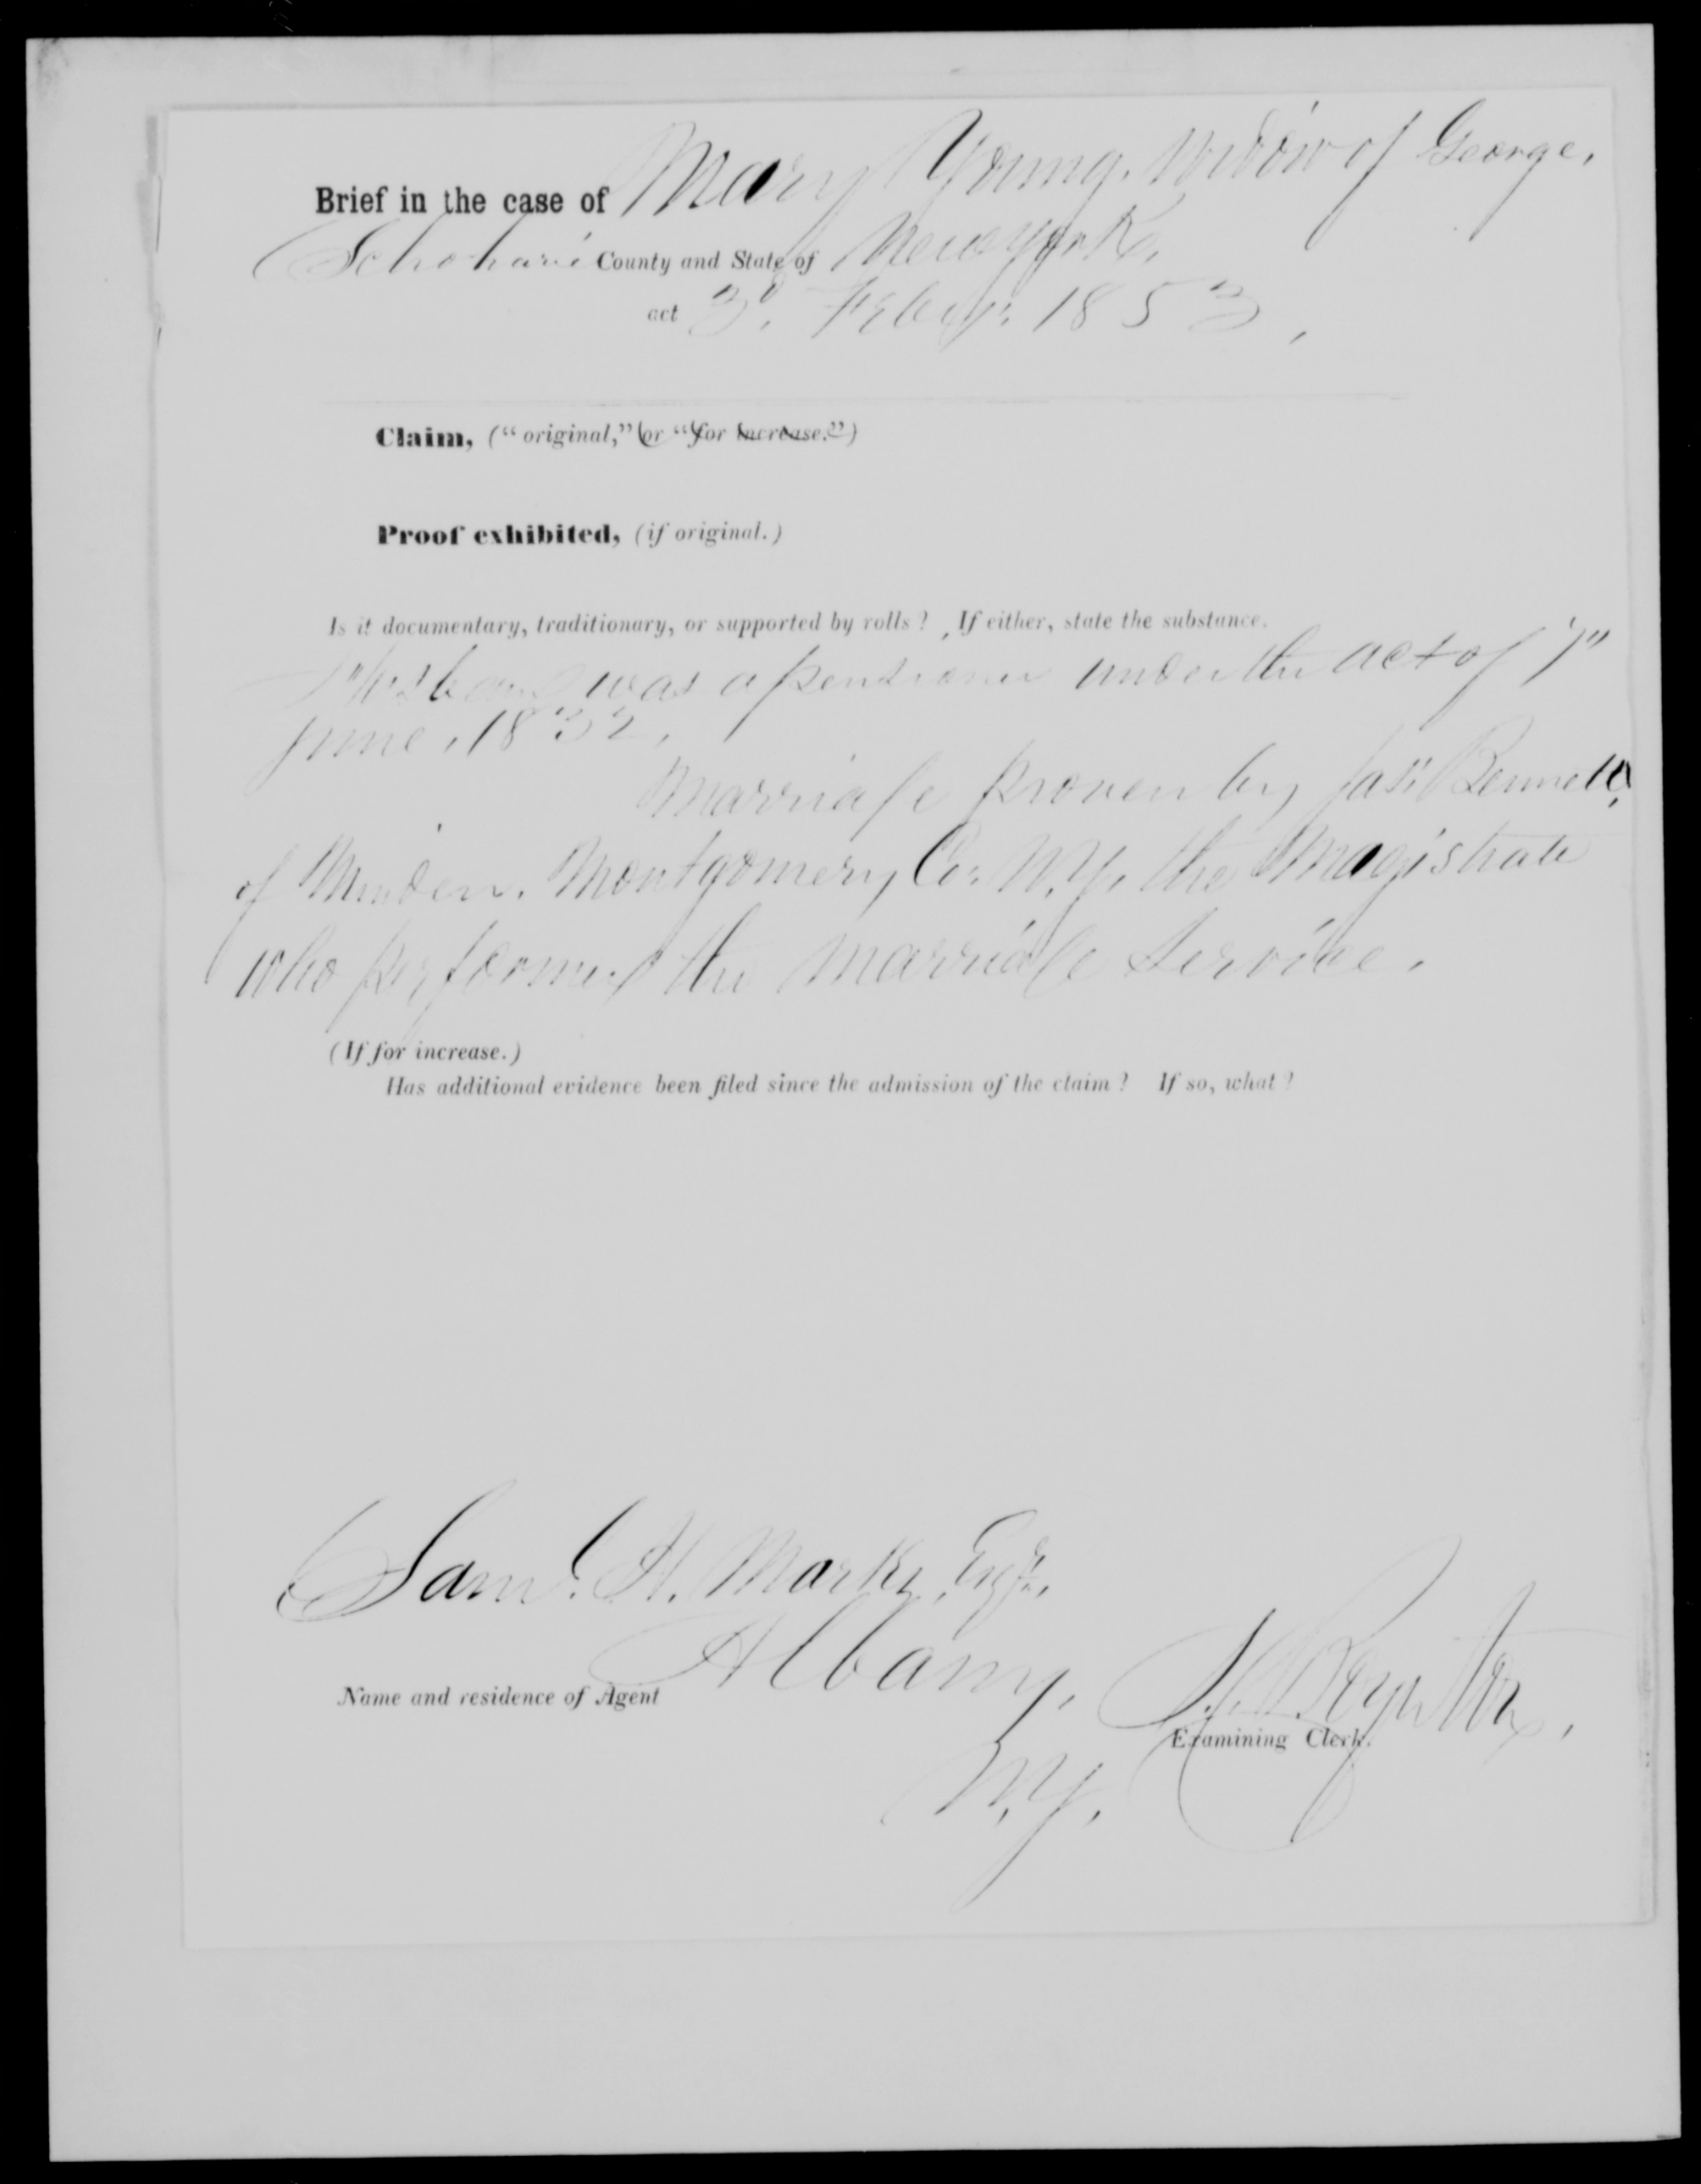Brief in the case of Mary Young, Will of George
Schoharie County and state of New York
3d, Feby: 1853
the
Claim, "original," or "for Screase.)
Proof exhibited, (if original.)
Is it documentary, traditionary, or supported by rolls? If either, state the substance.
was a pensioner under the act of 7"
June, 1832
Marriage proven by Jas Bennett
Minder, Montgomery Co. N.Y. the magistrate
to the Marriage Service
for increase
Has additional evidence been filed since the admission of the claim? If so, what
Saml H. Marks Esq
Albany
NY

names: Mary Young, M Boynton, Saml H Marks, George Young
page: 60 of 67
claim: widow's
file: W. 7379, George Young, New Jersey